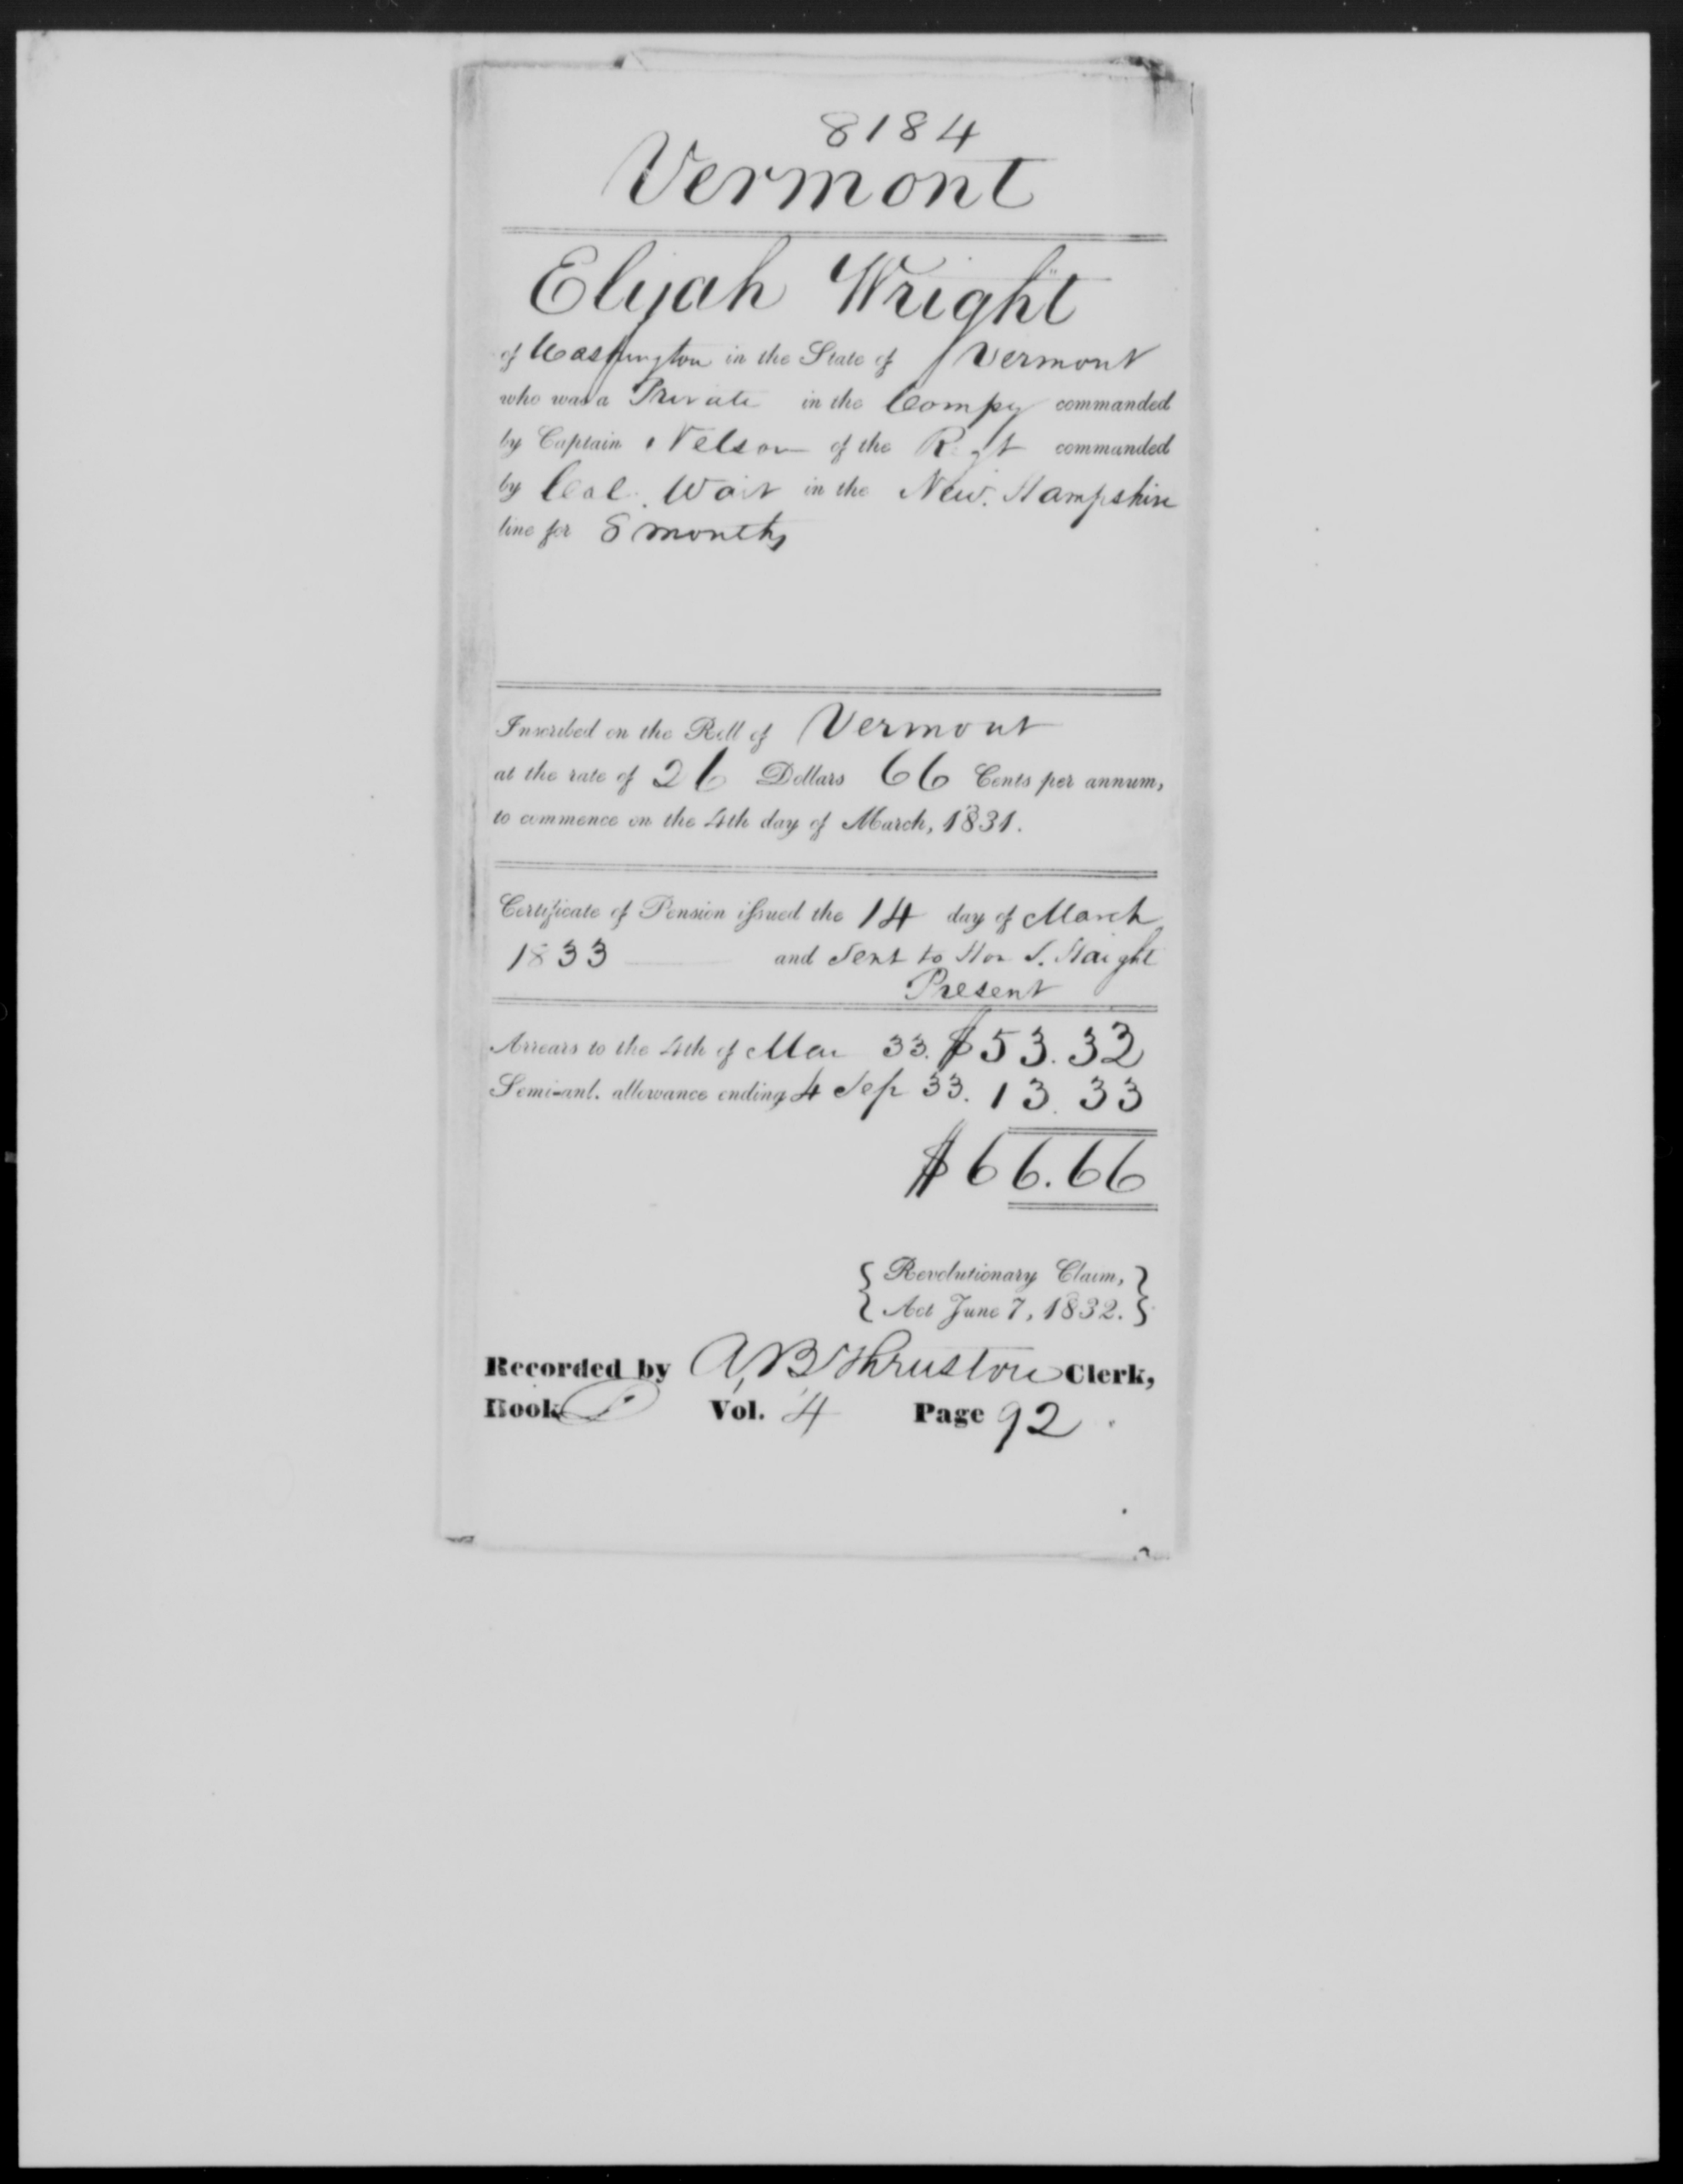8184
Vermont
Elijah Wright
of Washington in the State of Vermont
who was a Private in the Compy commanded
by Captain Nelson of the Rgt commanded
by Col Wait in the New Hampshire
line for 8 months
Inscribed on the Roll of Vermont
at the rate of 26 Dollars 66 Cents per annum,
to commence on the 4th day of March, 1831.
 
Certificate of Pension issued the 14 day of March 1833
and sent to Hon S. Haight
Present
-
Arrears to the 4th of Mar 33 $53.32
Semi-anl. allowance ending 4 Sep 33. 13.33
$66.66
-
---
Revolutionary Claim,
Act June 7, 1832. 

Recorded by A. B Thruston Clerk
Book D Vol. 4 Page 92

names: A B Thruston, Wait, Nelson, Elijah Wright, S Haight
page: 2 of 26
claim: widow's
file: W. 26,137, Elijah Wright, N.H.